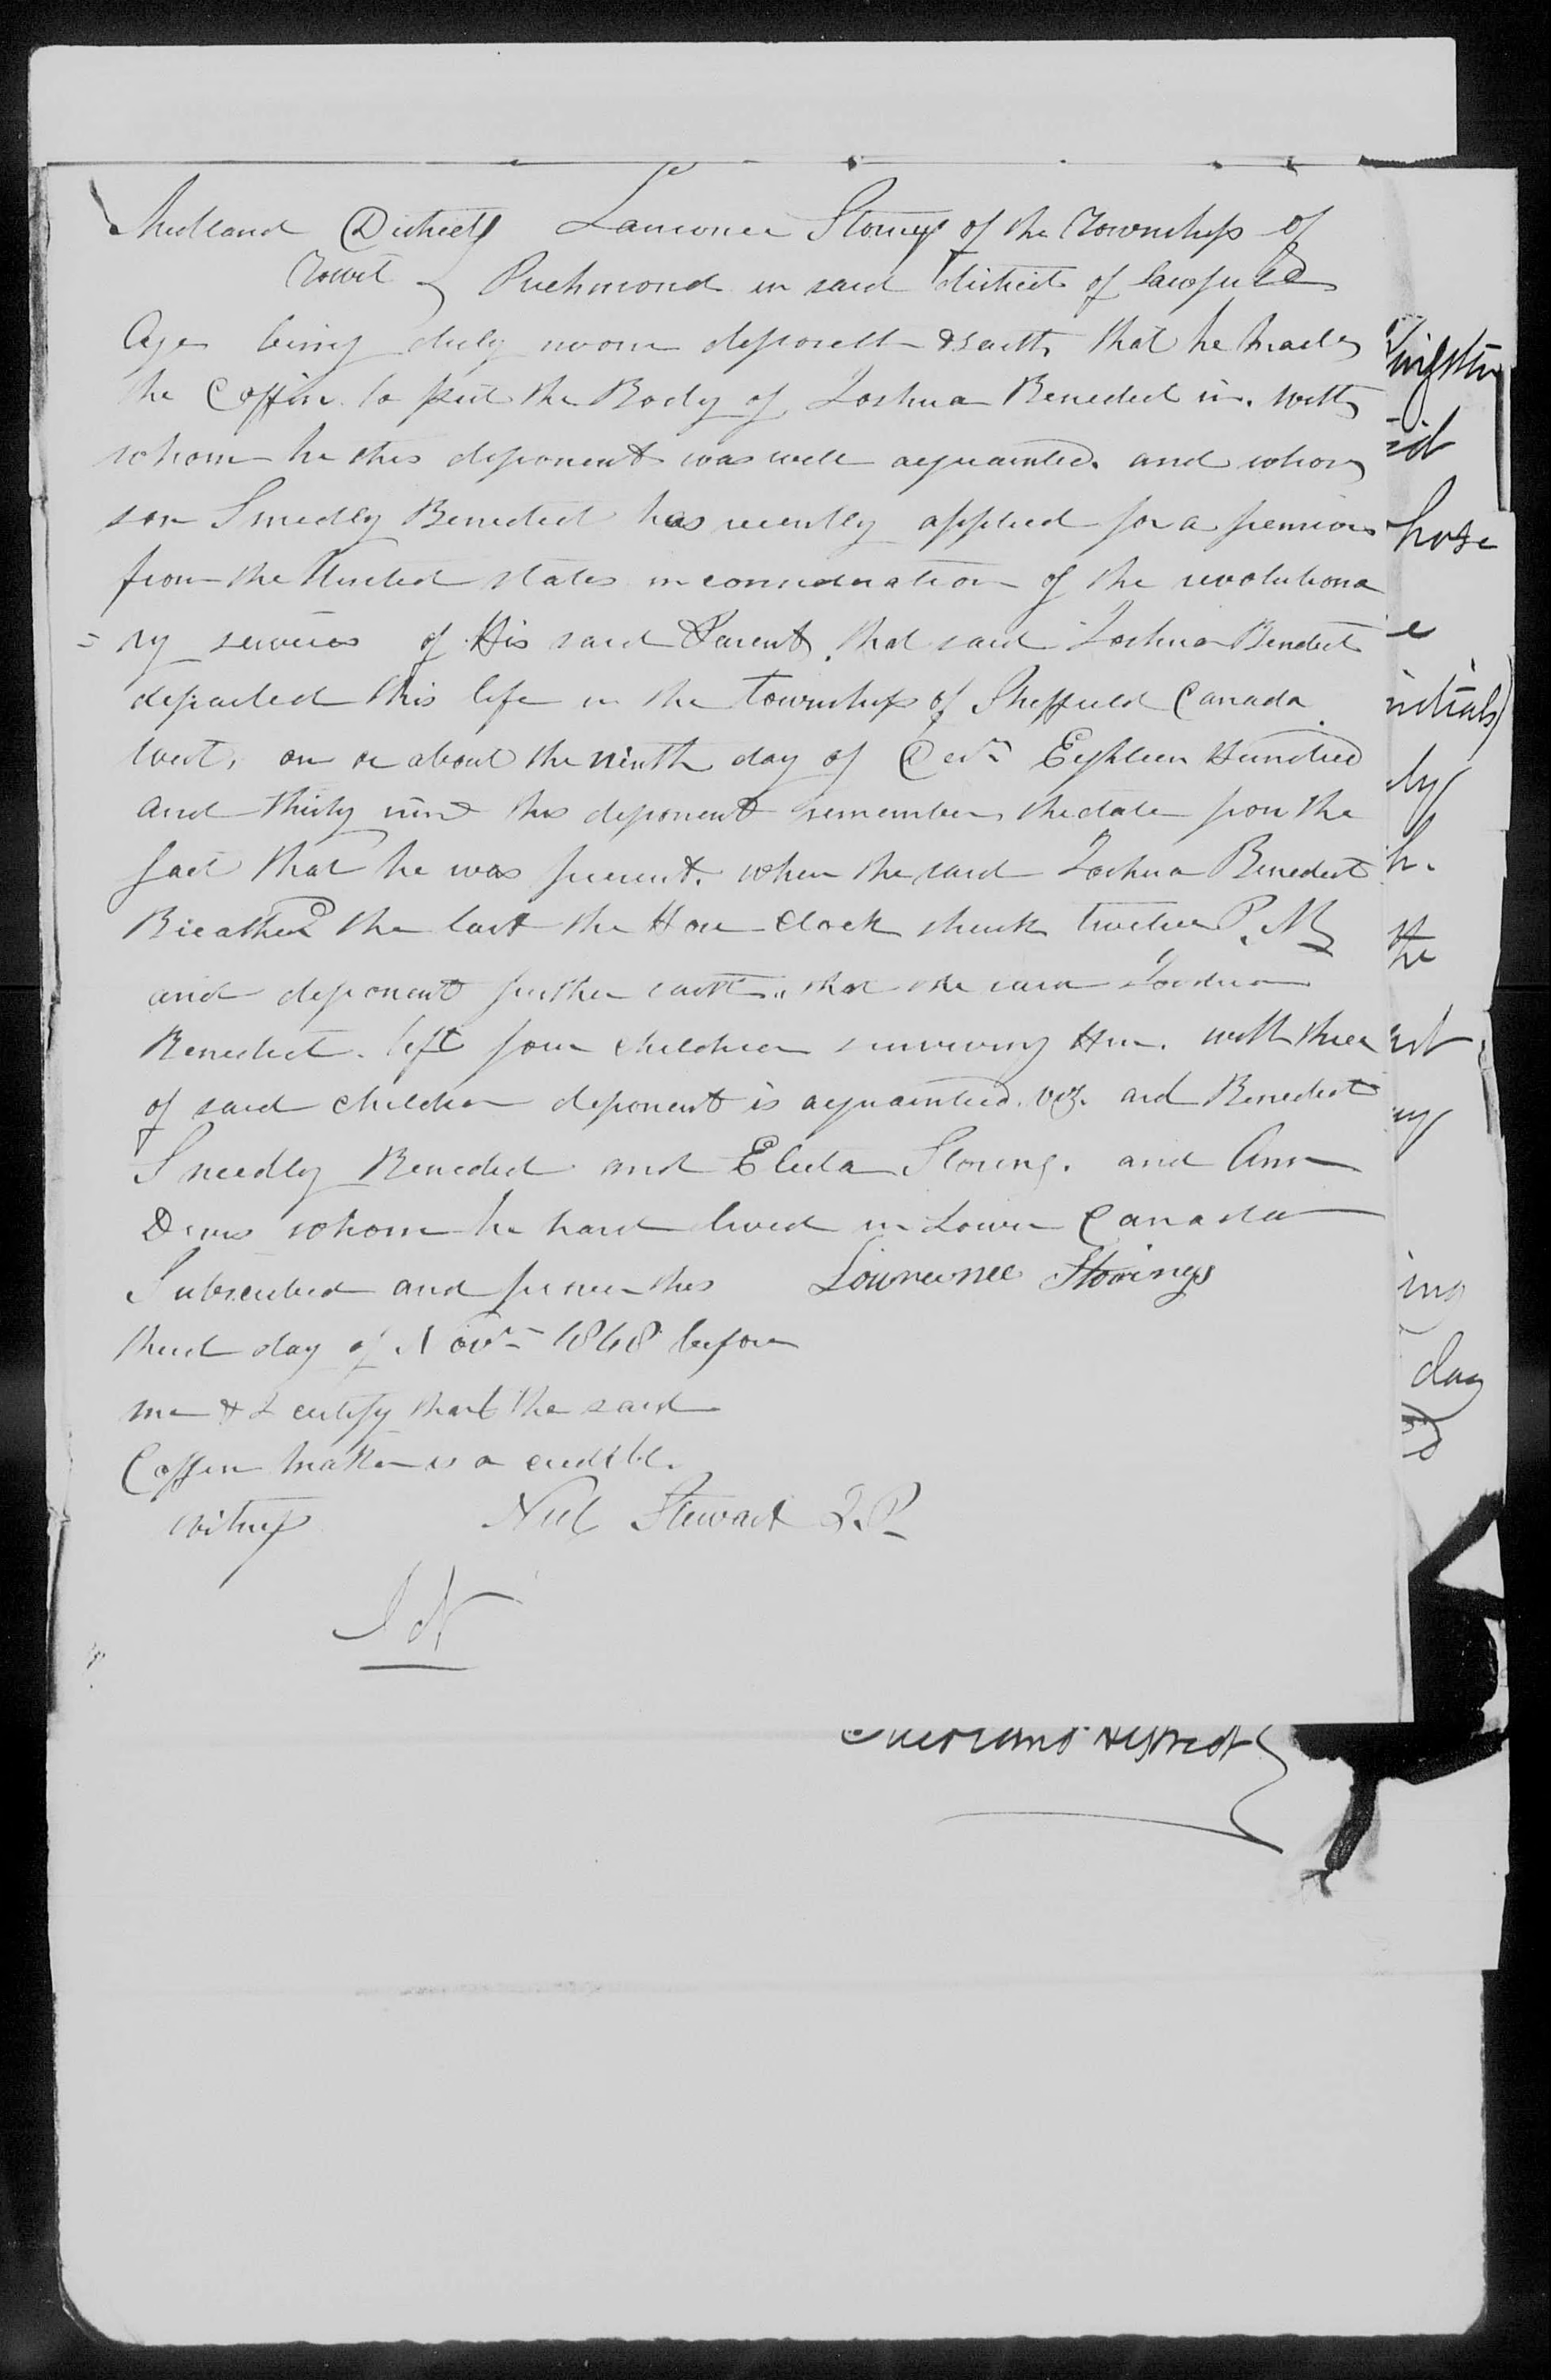Midland District
To wit } Lawrence Storings of the Township of Richmond in said district of lawful Age being duly sworn deposeth & saith that he made the Coffin to put the Body of Joshua Benedict in with whom he this deponent was well acquainted and whose son Smedly Benedict has recently applied for a pension from the United States in consideration of the revolutionary services of His said Parent, that said Joshua Benedict departed this life in the township of Sheffield Canada West, on or about the ninth day of Decr Eighteen Hundred and Thirty nine the deponent remembers the date from the fact that he was present when the said Joshua Benedict Breathed the last the Hour Clock struck twelve P.M. and deponent further saith that the said Joshua Benedict left four children surviving Him, with three of said children deponent is acquainted, viz. Ard Benedict Smedly Benedict and Electa Storing, and Anna Davis whom he heard lived in Lower Canada
Lawrence Storings

Subscribed and proven this third day of Novr 1848 before me & I certify that the said Coffin maker is a credible witness
Niel Stewart J. P.

JN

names: Benedict, Lowrence Storings, Joshua Benedict, Joshua Benedict, Smedley Benedict, Smedly Benedict, Joshua Benedict, Joshua Benedict, Lawrence Storing, Electa Storing, Niel Stewart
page: 96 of 106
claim: survivor's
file: S 23,116., Joshua Benedict, Conn.